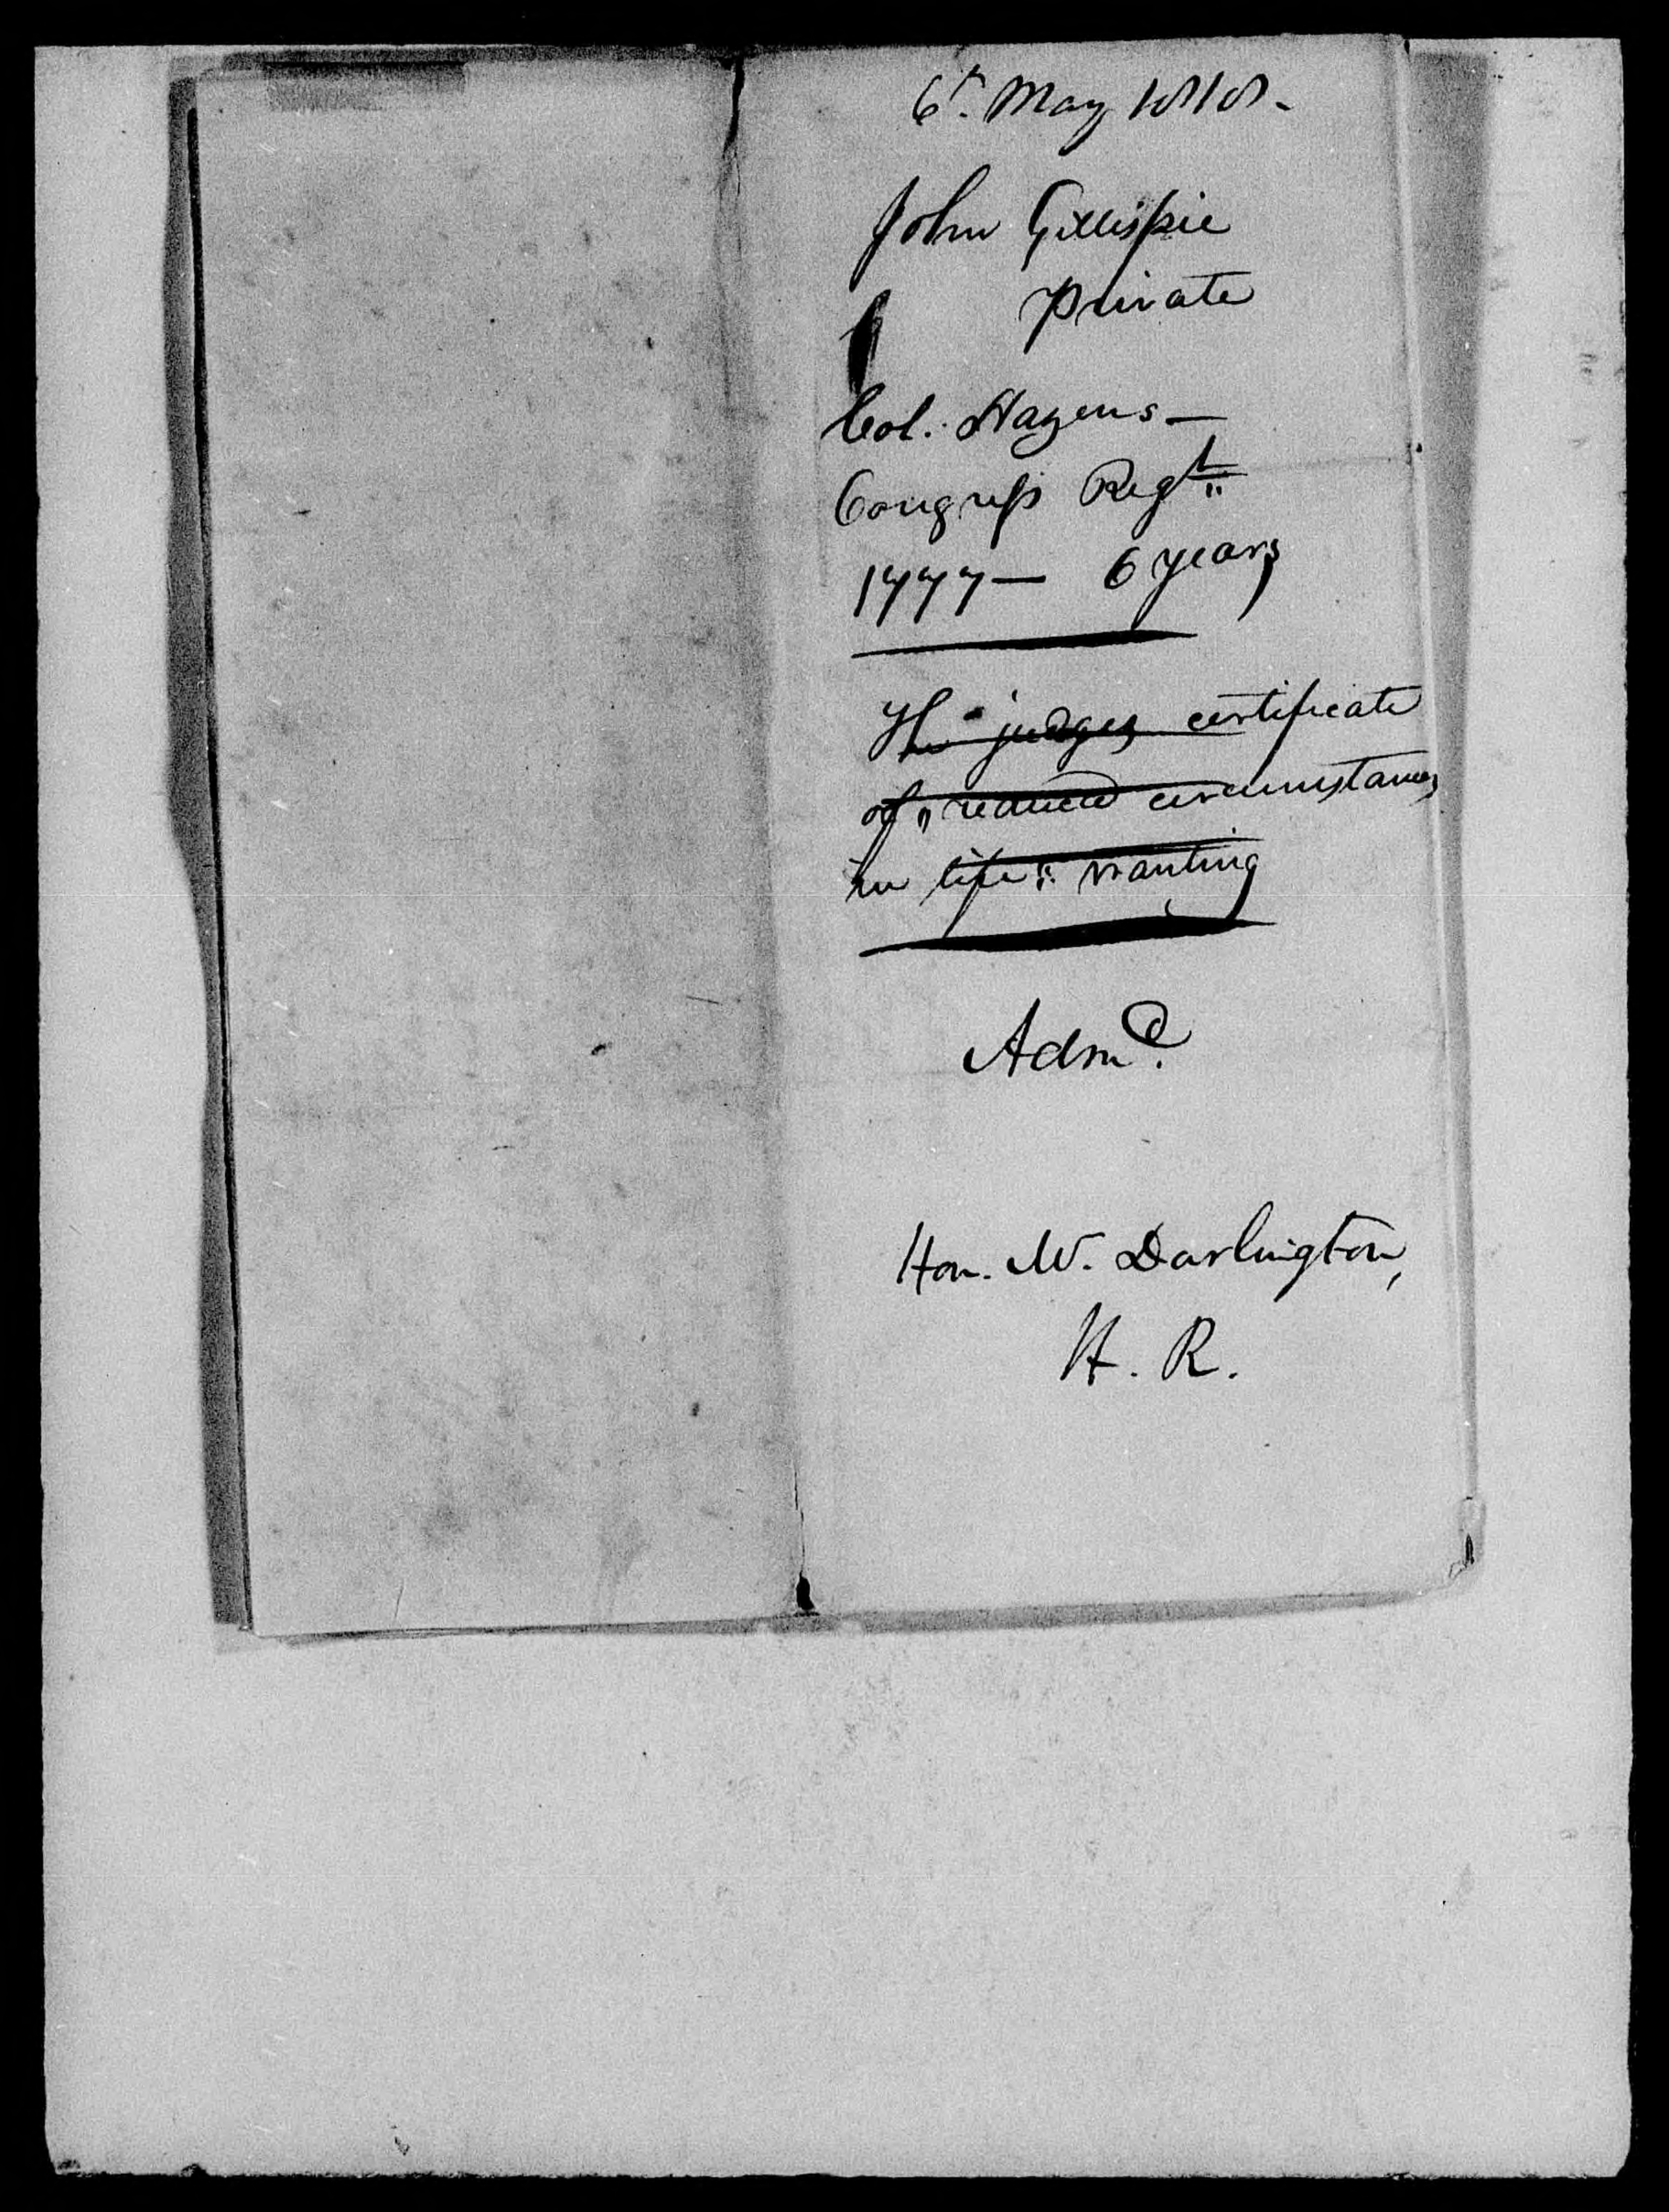6th May [illegible]
John Gillespie
Private
Col. Hazens
Congress Regt.
1777 6 years
[strikeout on original]
Adm.
Hon. W. Darlington, A.R.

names: W Darlington, Hazen, John Gillispie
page: 7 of 20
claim: survivor's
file: S. 41581, John Gillespie, Continental Del.